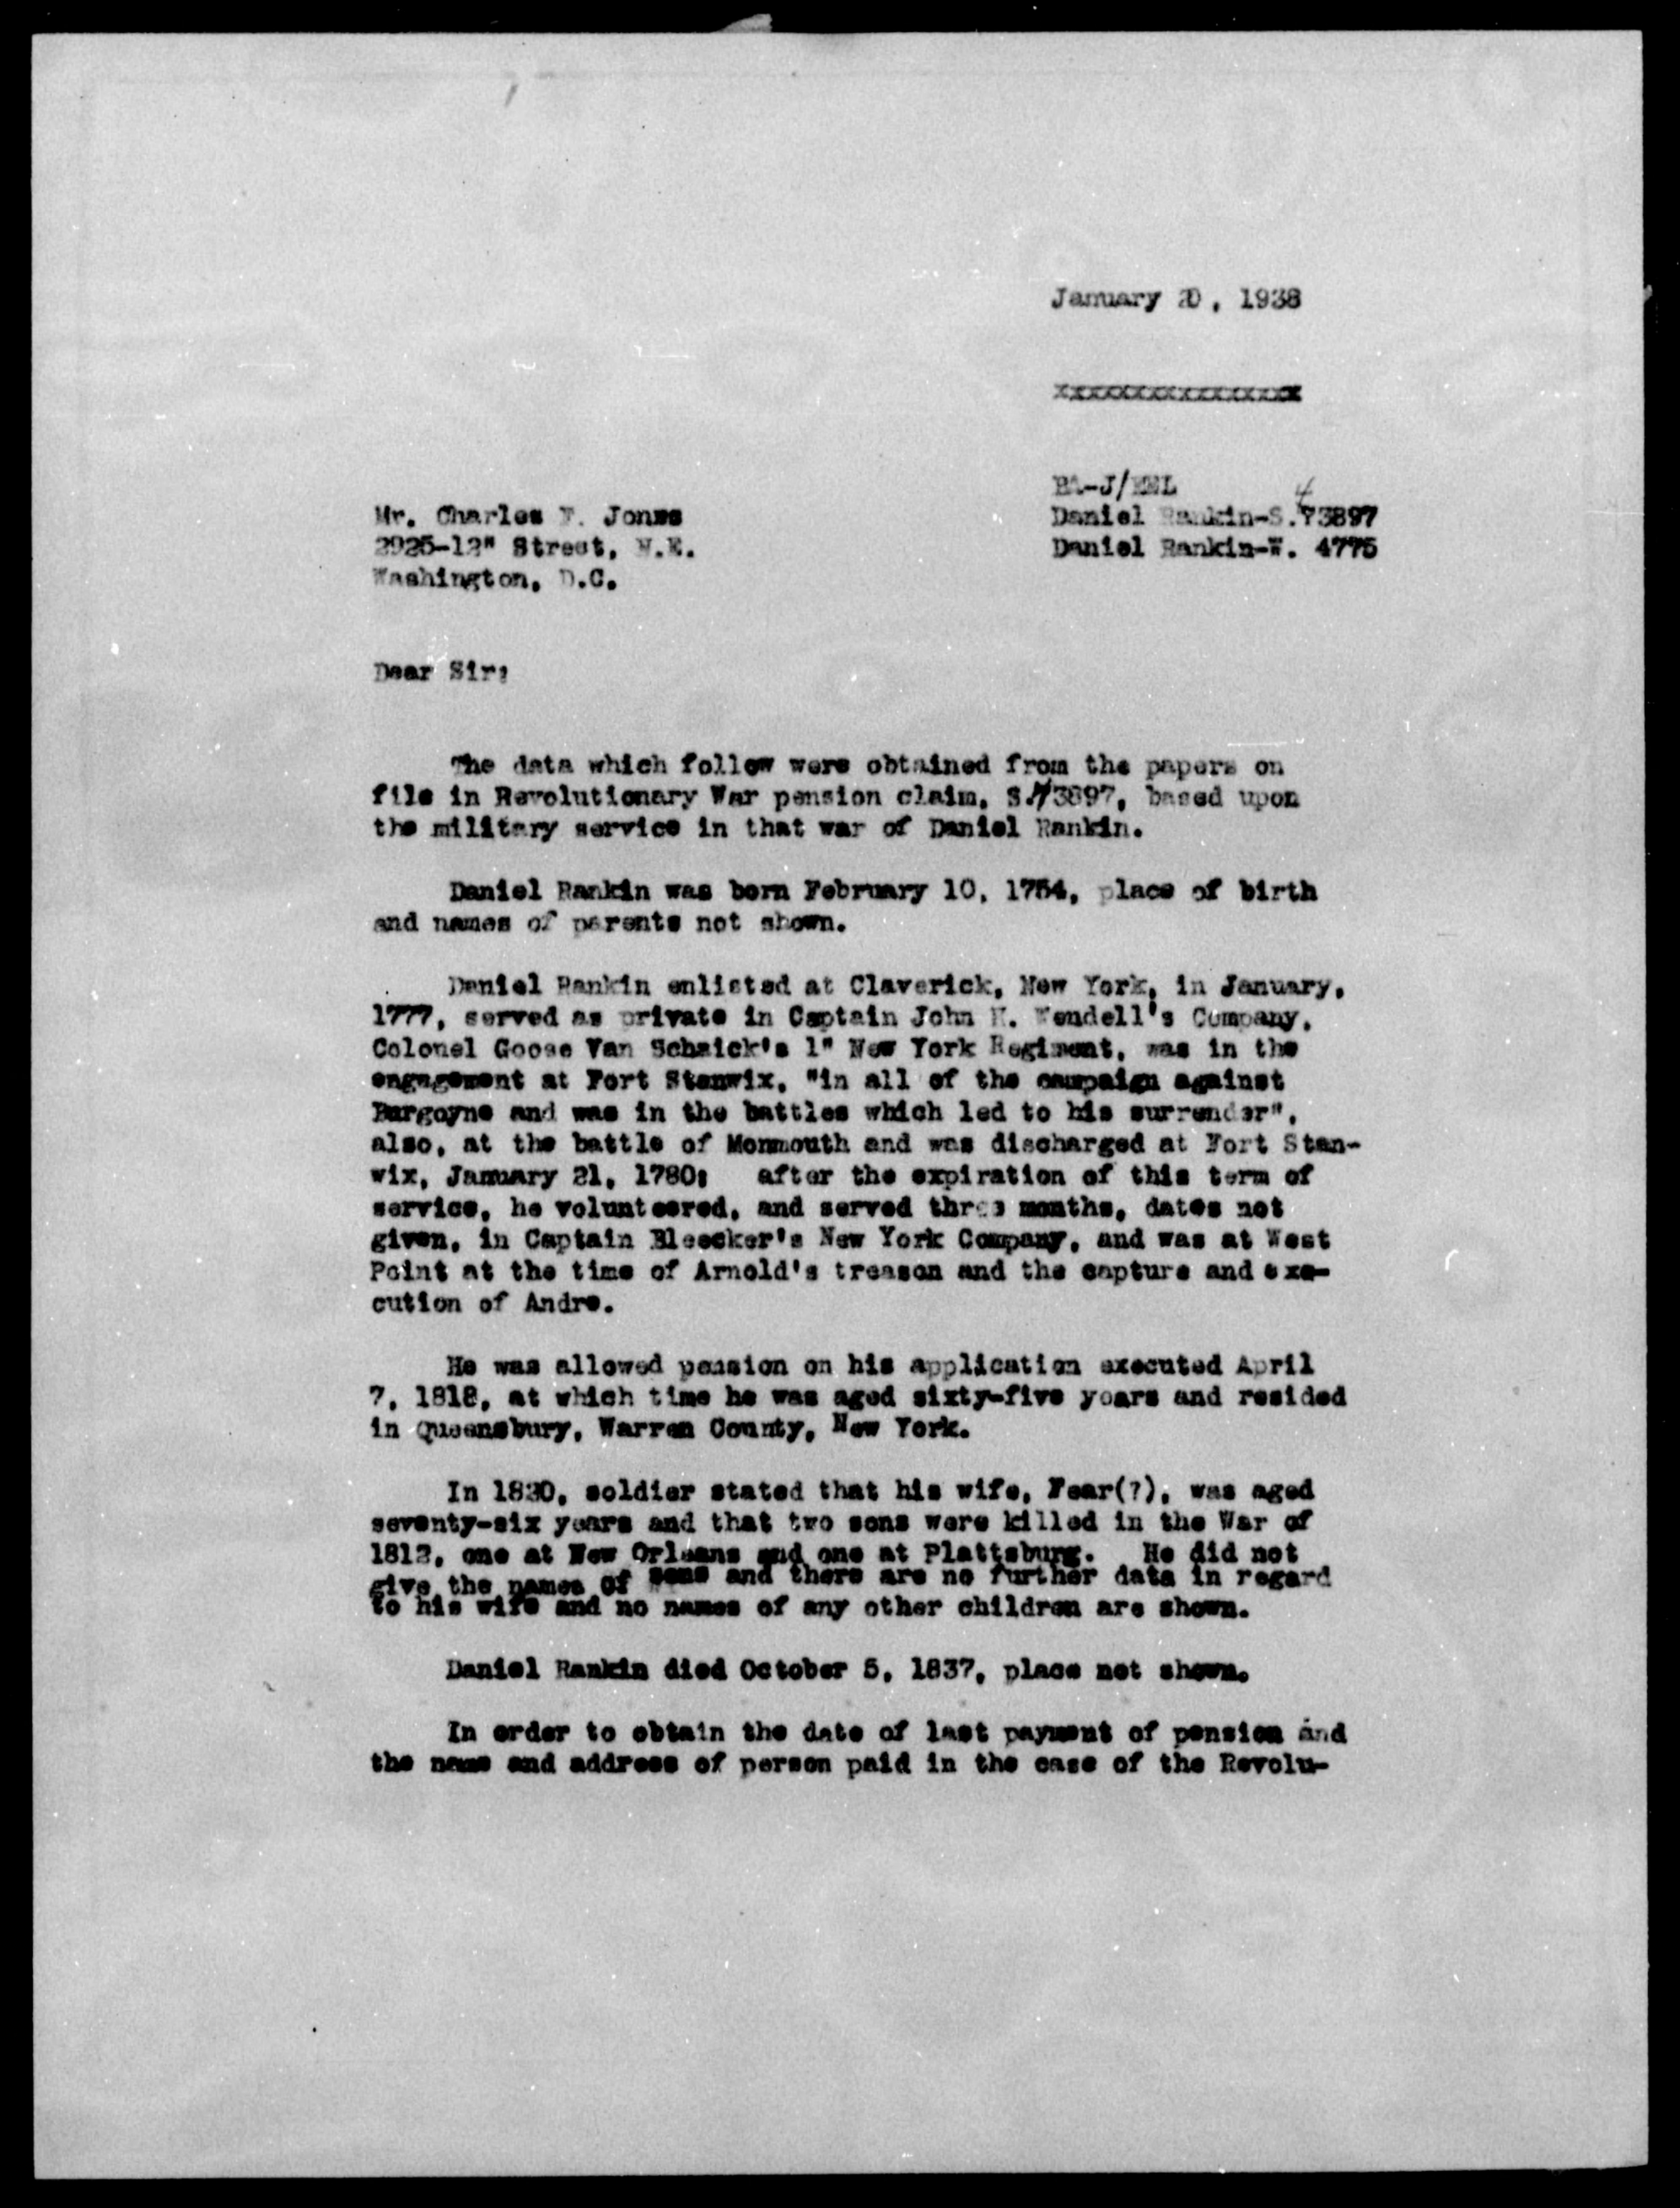January 20, 1938
BA-J/EEL
Daniel Rankin-S. 43897
Danie Rankin-F. 4775

Mr. Charles F. Jones
2925-12th Street, N.E.
Washington, D.C.

Dear Sir:

The data which follow were obtained from the papers on file in Revolutionary War pension claim, S 73897, based upon the military service in that war of Daniel Rankin. 

Daniel Rankin was born February 10, 1754, place of birth and names of parents not shown. 

Daniel Rankin enlisted at Claverick, New York, in January 1777, served as a private in Captain John H. Wendell's Company, Colonel Goose Van Schaick's 1" New York Regiment, was in the engagement at Fort Stenwix, "in all of the campaign against Bargoyne and was in the battles which let to his surrender", also, at the battle of Monmouth and was discharged at Fort Stanwix, January 21, 1780: after the expiration of this term of service, he volunteered, and served three months, dates not given, in Captain Bleeker's New York Company, and was at West Point at the time of Arnold's treason and the capture and execution of Andre. 

He was allowed pension on his application executed April 7, 1818, at which time he was aged sixty-five years and resided in Queensbury, Warren County, New York. 

In 1820, soldier stated that his wife, Fear (?) was aged seventy-six years and that two sons were killed in the War of 1812, one at New Orleans and one at Plattsburg. He did not give the names of sons and there are no further data in regard to his wife and no names of any other children are shown. 

Daniel Rankin died October 5, 1837, place not shown. 

In order to obtain the date of last payment of pension and the name and address of person paid in the case of the Revolu-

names: Daniel Rankin; Daniel Rankin; [BLANK] Andre; Daniel Rankin; Daniel Rankin; Daniel Rankin; Daniel Rankin; Charles F Jones; [BLANK] Arnold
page: 25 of 27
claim: survivor's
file: S. 43897, for Daniel Rankin, New York